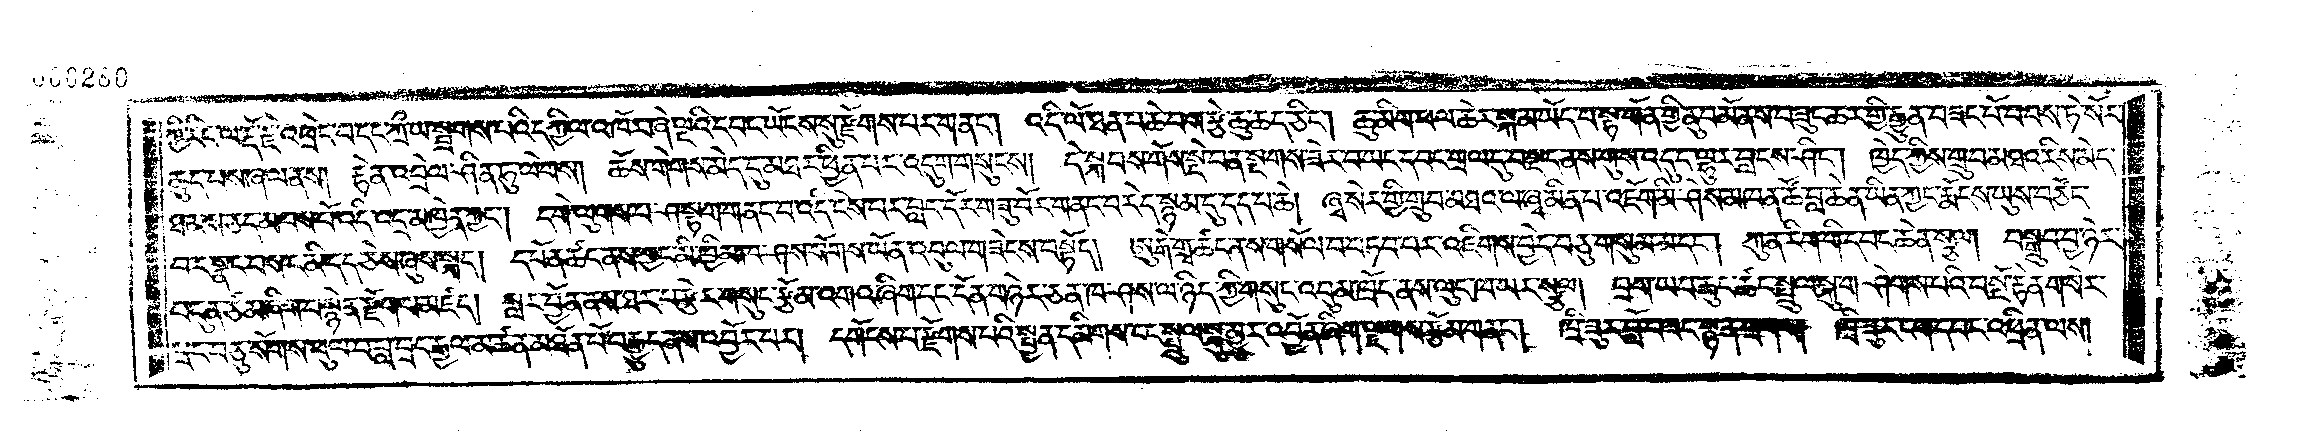ཀྱི་རིང་ལ་རྡོ་རྗེ་འཕྲེང་བ་དང་ཀྲྀ་ཡ་སྦྲགས་པའི་དཀྱིལ་འཁོར་ཞེ་ལྔའི་དབང་ཡོངས་སུ་རྫོགས་བར་གནང་། འདི་ལོ་ཐན་པ་ཆེ་བས་རྩེ་ཆུ་ཆད་ཅིང་། ཆུ་མིག་ཕལ་ཆེར་སྐམ་ཡོད་པ་སྟ་གོན་གྱི་ནུབ་མོ་ནས་བཟུང་ཆར་གྱི་རྒྱུན་བཟང་པོ་བབས་ཏེ་སོར་
ཆུད་པས་ཞལ་ནས། རྟེན་འབྲེལ་ཤིན་ཏུ་ལེགས། ཆོས་གེགས་མེད་དུ་མཐར་ཕྱིན་པར་འདུག་གསུངས། དེ་སྐབས་གོས་སྡེ་བ་ན་སྔགས་ཟེར་བ་ཡང་དབང་གྲལ་དུ་བསྡད་ནས་གུས་འདུད་ལྷུར་བླངས་ཤིང་། ཁྱེད་ཀྱིས་གྲུབ་མཐའ་རིས་མེད་
ཐམས་ཅད་མཁས་པོ་འདི་འདྲ་མཁྱེན་ཀྱང་། དགེ་ལུགས་པ་ཤ་སྟག་གནང་བ་འདི་ངེས་པར་བླང་དོར་གཟུ་བོར་གནང་བ་རེད་སྙམ་དུ་དད་པ་ཆེ། ཞྭ་སེར་གྱི་གྲུབ་མཐའ་ལ་ཞྭ་མིན་པ་འཇོག་མི་ཤེས་མཁན་ཚོ་བླ་ཆེན་ཡིན་ཀྱང་རྨོངས་ཡུས་བཙོང་
བར་སྣང་བས་ང་མི་དད་ཅེས་ཞུས་སྐད། དཔོན་ཚང་ནས་ཀྱང་མི་ཁྱིམ་ཁ་ཤས་སོགས་ཡོན་འབུལ་གཟེངས་བསྟོད། ཨུརྒེ་གྲྭ་ཚང་ནས་གསོལ་བ་བཏབ་པར་འཇིགས་བྱེད་བཅུ་གསུམ་མ་དང་། ཀུན་རིག་གི་དབང་ཆེན་སྩལ། བསྒྲུབ་བྱ་ཉེར་
བདུན་ཙམ་ཞིག་བསྙེན་རྫོགས་མཛད། སླར་བྱོན་ནས་ཐར་པ་རྩེར་གསུང་རྩོམ་འགའ་ཞིག་དང་དོན་གཉེར་ཅན་ཁ་ཤས་ལ་ཉིད་ཀྱི་གསུང་འབུམ་ཁྲོད་ནས་ལུང་ཁ་ཡར་སྩལ། བྲག་ཡབ་ཆུང་ཚང་སྤྲུལ་སྐུ་གཤེགས་པའི་བསྔོ་རྟེན་གསེར་
སྲང་བཅུ་སོགས་ཕུལ་བ་བླ་བྲང་རྒྱལ་མཚན་མཐོན་པོ་བརྒྱུད་ནས་འབྱོར་པར། དགོངས་པ་རྫོགས་པའི་སྤྱན་དམིགས་ངང་སྤྲུལ་སྐུ་མྱུར་འབྱོན་ཞིག་ལྗགས་རྩོམ་གནང་། ཁྲི་ཟུར་བློ་བཟང་སྙན་གྲགས། ཁྲི་ཟུར་ངག་དབང་འཕྲིན་ལས།